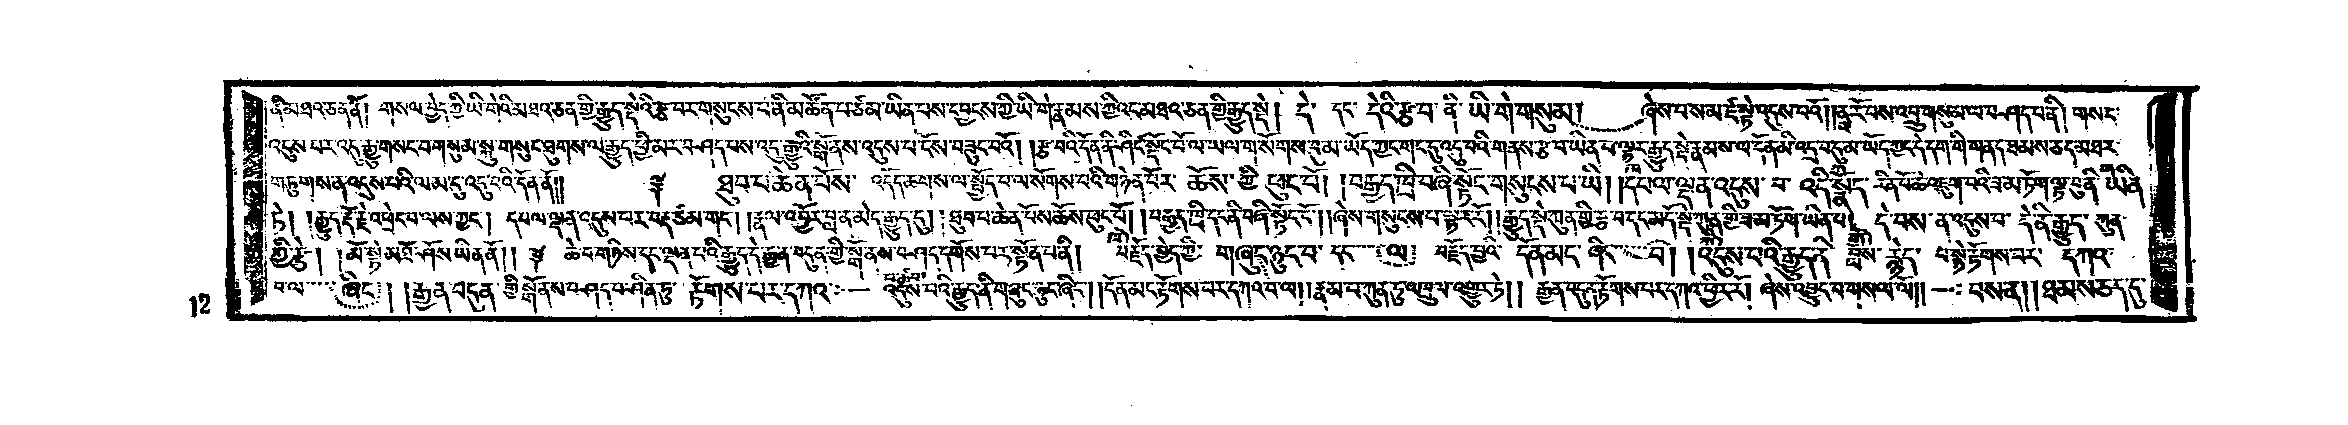ནི་མཐའ་ཅན་ནོ། གསལ་བྱེད་ཀྱི་ཡི་གེའི་མཐའ་ཅན་གྱི་རྒྱུད་སྡེའི་རྩ་བར་གསུངས་པ་ནི་མཚོན་པ་ཙམ་ཡིན་པས་དབྱངས་ཀྱི་ཡི་གེ་རྣམས་ཀྱིའང་མཐའ་ཅན་གྱི་རྒྱུད་སྡེ། དེ་དང་དེའི་རྩ་བ་ནི་ཡི་གེ་གསུམ། ཞེས་པས་མ་ཛ་སྟེ་འདུས་པའོ། །ནཱ་རོ་པས་འབྲུ་གསུམ་ལ་བཤད་པ་ནི། གསང་བ་
འདུས་པར་འདུ་རྒྱུ་གསང་བ་གསུམ་སྐུ་གསུང་ཐུགས་ལ་རྒྱུད་ཕྱི་མར་བཤད་པས་འདུ་རྒྱུའི་སྒོ་ནས་འདུས་པ་ངོས་བཟུང་བའོ། །རྩ་བའི་དོན་ནི་ཤིང་སྡོང་པོ་ལ་ཡལ་གསོགས་དུ་མ་ཡོད་ཀྱང་གང་དུ་འདུ་བའི་གནས་རྩ་བ་ཡིན་པ་ལྟར་རྒྱུད་སྡེ་རྣམས་ལ་དོན་མི་འདྲ་བ་དུ་མ་ཡོད་ཀྱང་དེ་དག་གི་གནད་ཐམས་ཅད་མཐར་
གཏུགས་ན་འདུས་པའི་ལམ་དུ་འདུ་བའི་དོན་ནོ།། ༈ ཐུབ་པ་ཆེན་པོས་འདོད་ཆགས་ལ་སྤྱོད་པ་ལ་སོགས་པའི་གཉེན་པོར་ཆོས་ཀྱི་ཕུང་པོ། །བརྒྱད་ཁྲི་བཞི་སྟོང་གསུངས་པ་ཡི། །དཔལ་ལྡན་འདུས་པ་འདི་སྣོད་རིན་པོ་ཆེ་འཇུག་པའི་ཟ་མ་ཏོག་ལྟ་བུ་ནི་ཡིན་
ཏེ། །རྒྱུད་རྡོ་རྗེ་འཕྲེང་བ་ལས་ཀྱང་། དཔལ་ལྡན་འདུས་པར་བརྡ་ཙམ་གང་། །རྣལ་འབྱོར་བླ་ན་མེད་རྒྱུད་དུ། །ཐུབ་པ་ཆེན་པོས་ཆོས་ཕུང་པོ། །བརྒྱད་ཁྲི་དང་ནི་བཞི་སྟོང་ངོ། །ཞེས་གསུངས་པ་ལྟར་རོ། །རྒྱུད་སྡེ་ཀུན་གྱི་རྩ་བ་དང་མདོ་སྡེ་ཀུན་གྱི་ཟ་མ་ཏོག་ཡིན་པ།  དེ་བས་ན་འདུས་པ་དེ་ནི་རྒྱུད་ཀུན
གྱི་རྩེ། ། མོ་སྟེ་མཐོ་ཤོས་ཡིན་ནོ།། ༈ ཆེ་བ་གཉིས་དང་ལྡན་པའི་རྒྱུད་དེ་རྒྱན་བདུན་གྱི་སྒོ་ནས་བཤད་དགོས་པར་སྟོན་པ་ནི། བརྗོད་བྱེད་ཀྱི་གཞུང་ཉུང་བ་དང་ལ་བརྗོད་བྱའི་དོན་མང་ཞིང་བ། །འདུས་པའི་རྒྱུད་ནི་བློས་རྙེད་པ་སྟེ་རྟོགས་པར་དཀའ་
བ་ལ་ཞིང་། །རྒྱན་བདུན་གྱི་སྒོ་ནས་བཤད་པ་ཤིན་ཏུ་རྟོགས་པར་དཀའ་H.་པ་ཚབ་འདུས་པའི་རྒྱུད་ནི་གཞུང་ཉུང་ཞིང་། །དོན་མང་རྟོགས་པར་དཀའ་བ་ལ། །རྣམ་པ་ཀུན་ཏུ་འཁྲུལ་འགྱུར་ཏེ། །རྒྱན་བདུན་རྟོགས་པར་དཀའ་ཕྱིར་རོ། ཞེས་འབྱུང་བ་གསལ་ལོ།།  .H བས་ན། །ཐམས་ཅད་དུ་